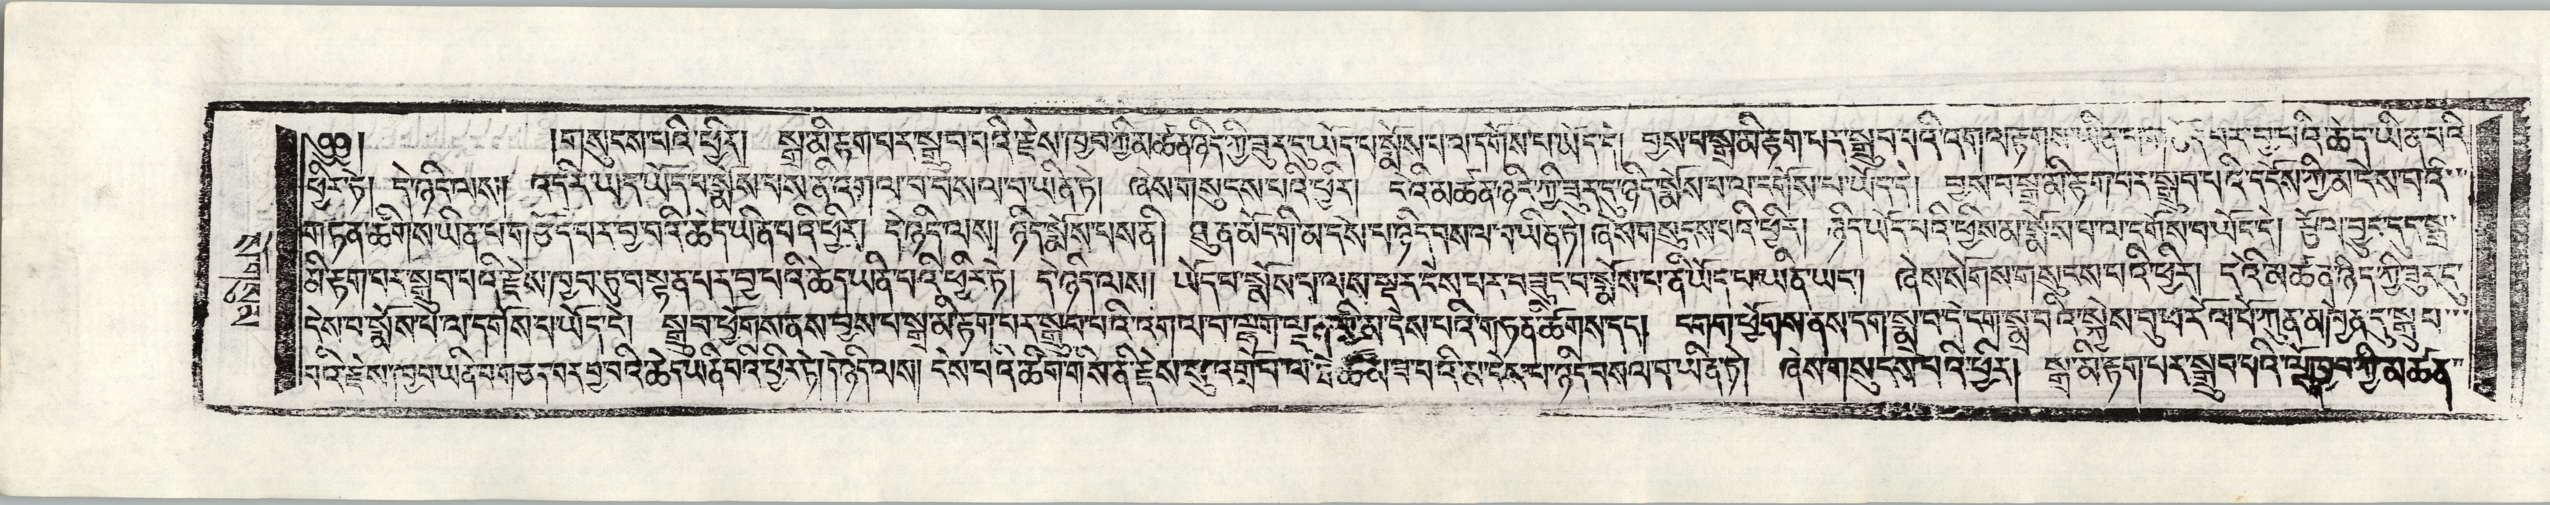༄༅། །གསུངས་པའི་ཕྱིར། སྒྲ་མི་རྟག་པར་སྒྲུབ་པའི་རྗེས་ཁྱབ་ཀྱི་མཚན་ཉིད་ཀྱི་ཟུར་དུ་ཡོད་པ་སྨོས་པ་ལ་དགོས་པ་ཡོད་དེ། བྱས་པ་སྒྲ་མི་རྟག་པར་སྒྲུབ་པའི་འགལ་རྟགས་ཡིན་པ་གཅོད་པར་བྱ་བའི་ཆེད་ཡིན་པའི་
ཕྱིར་ཏེ། དེ་ཉིད་ལས། འདིར་ཡང་ཡོད་པ་སྨྲས་པས་ནི་འགལ་བ་བསལ་བ་ཡིན་ཏེ། ཞེས་གསུངས་པའི་ཕྱིར། དེའི་མཚན་ཉིད་ཀྱི་ཟུར་དུ་ཉིད་སྨོས་པ་ལ་དགོས་པ་ཡོད་དེ། བྱས་པ་སྒྲ་མི་རྟག་པར་སྒྲུབ་པའི་དངོས་ཀྱི་མ་ངེས་པའི་
གཏན་ཚིགས་ཡིན་པ་གཅོད་པར་བྱ་བའི་ཆེད་ཡིན་པའི་ཕྱིར། དེ་ཉིད་ལས། ཉིད་སྨྲས་པས་ནི། ཐུན་མོང་གི་མ་ངེས་པ་ཉིད་བསལ་བ་ཡིན་ཏེ། ཞེས་གསུངས་པའི་ཕྱིར། ཉིད་ཡོད་པའི་ཕྱིས་མ་སྨྲས་པ་ལ་དགོས་པ་ཡོད་དེ། རྩོལ་བྱུང་དུང་སྒྲ་
མི་རྟག་པར་སྒྲུབ་པའི་རྗེས་ཁྱབ་ཏུ་བསྟན་པར་བྱ་བའི་ཆེད་ཡིན་པའི་ཕྱིར་ཏེ། དེ་ཉིད་ལས། ཡོད་པ་སྨྲས་པ་ལས་སྔར་ངེས་པར་བཟུང་བ་སྨོས་པ་ནི་ཡོད་པ་ཡིན་ཡང་། ཞེས་སོགས་གསུངས་པའི་ཕྱིར། དེའི་མཚན་ཉིད་ཀྱི་ཟུར་དུ་
ངེས་པ་སྨོས་པ་ལ་དགོས་པ་ཡོད་དེ། སྒྲུབ་ཕྱོགས་ནས་བྱས་པ་སྒྲ་མི་རྟག་པར་སྒྲུབ་པའི་འགལ་བ་ལྷག་ལྡན་གྱི་མ་ངེས་པའི་གཏན་ཚིགས་དང་། དགག་ཕྱོགས་ནས་ངག་སྨྲ་བ་དེ་ངག་སྨྲ་བའི་སྐྱེས་བུ་ཕ་རོལ་བོ་ཀུན་མཁྱེན་དུ་སྒྲུབ་
པའི་རྗེས་ཁྱབ་ཡིན་པ་གཅོད་པར་བྱ་བའི་ཆེད་ཡིན་པའི་ཕྱིར་ཏེ། དེ་ཉིད་ལས། ངེས་པའི་ཚིག་གིས་ནི་རྗེས་སུ་འགྲོ་བ་ལ་ཐེ་ཚོམ་ཟ་བའི་མ་ངེས་པ་ཉིད་བསལ་བ་ཡིན་ཏེ། ཞེས་གསུངས་པའི་ཕྱིར། སྒྲ་མི་རྟག་པར་སྒྲུབ་པའི་ལྡོག་ཁྱབ་ཀྱི་མཚན་